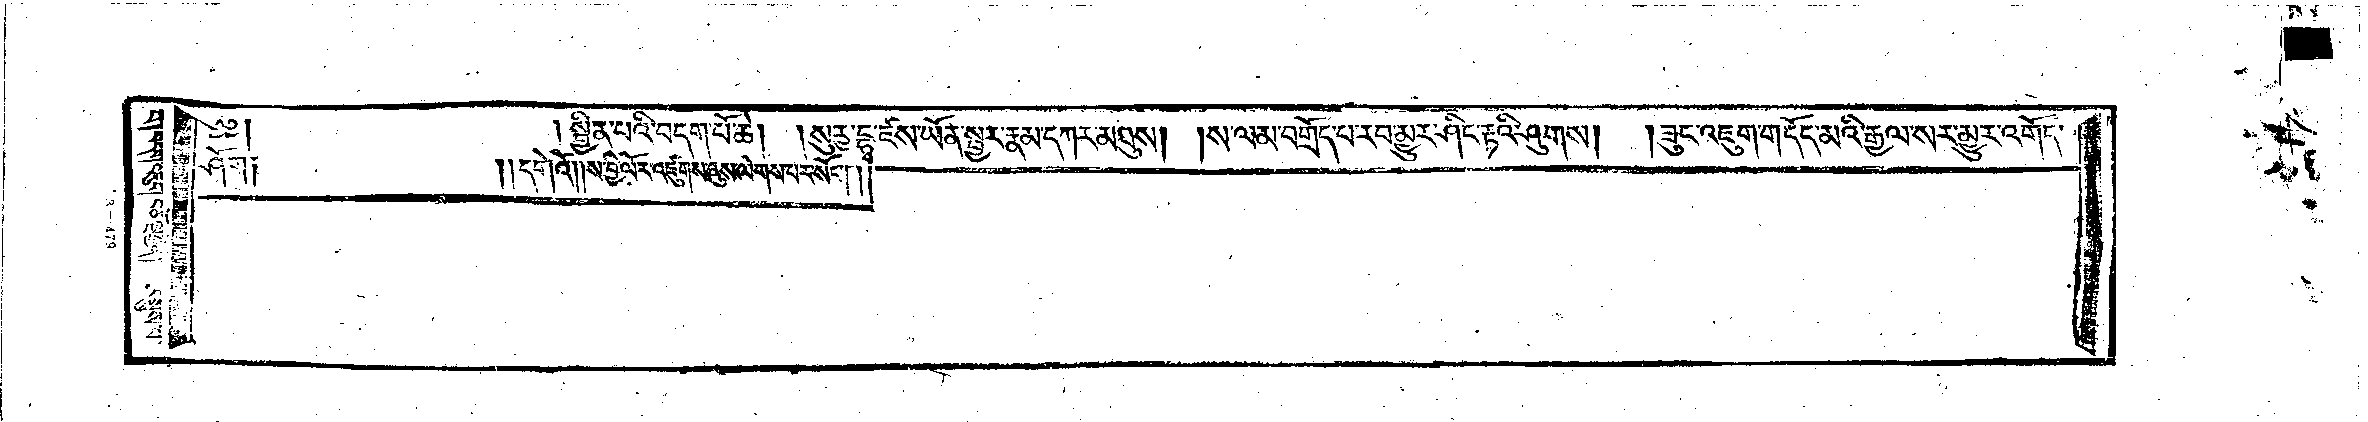༄༅། །སྦྱིན་པའི་བདག་པོ་ཆེ། །སུརྱ་དྷྭ་ཛས་ཡོན་སྦྱར་རྣམ་དཀར་མཐུས། །ས་ལམ་བགྲོད་པ་རབ་མྱུར་ཤིང་རྟའི་ཤུགས། །ཟུང་འཇུག་གདོད་མའི་རྒྱལ་སར་མྱུར་འགོད་
ཤོག༑ །།དགེའོ། །ས་བྱི་ལོར་འཛུགས་ཞུས་ལེགས་པར་སོང་། །